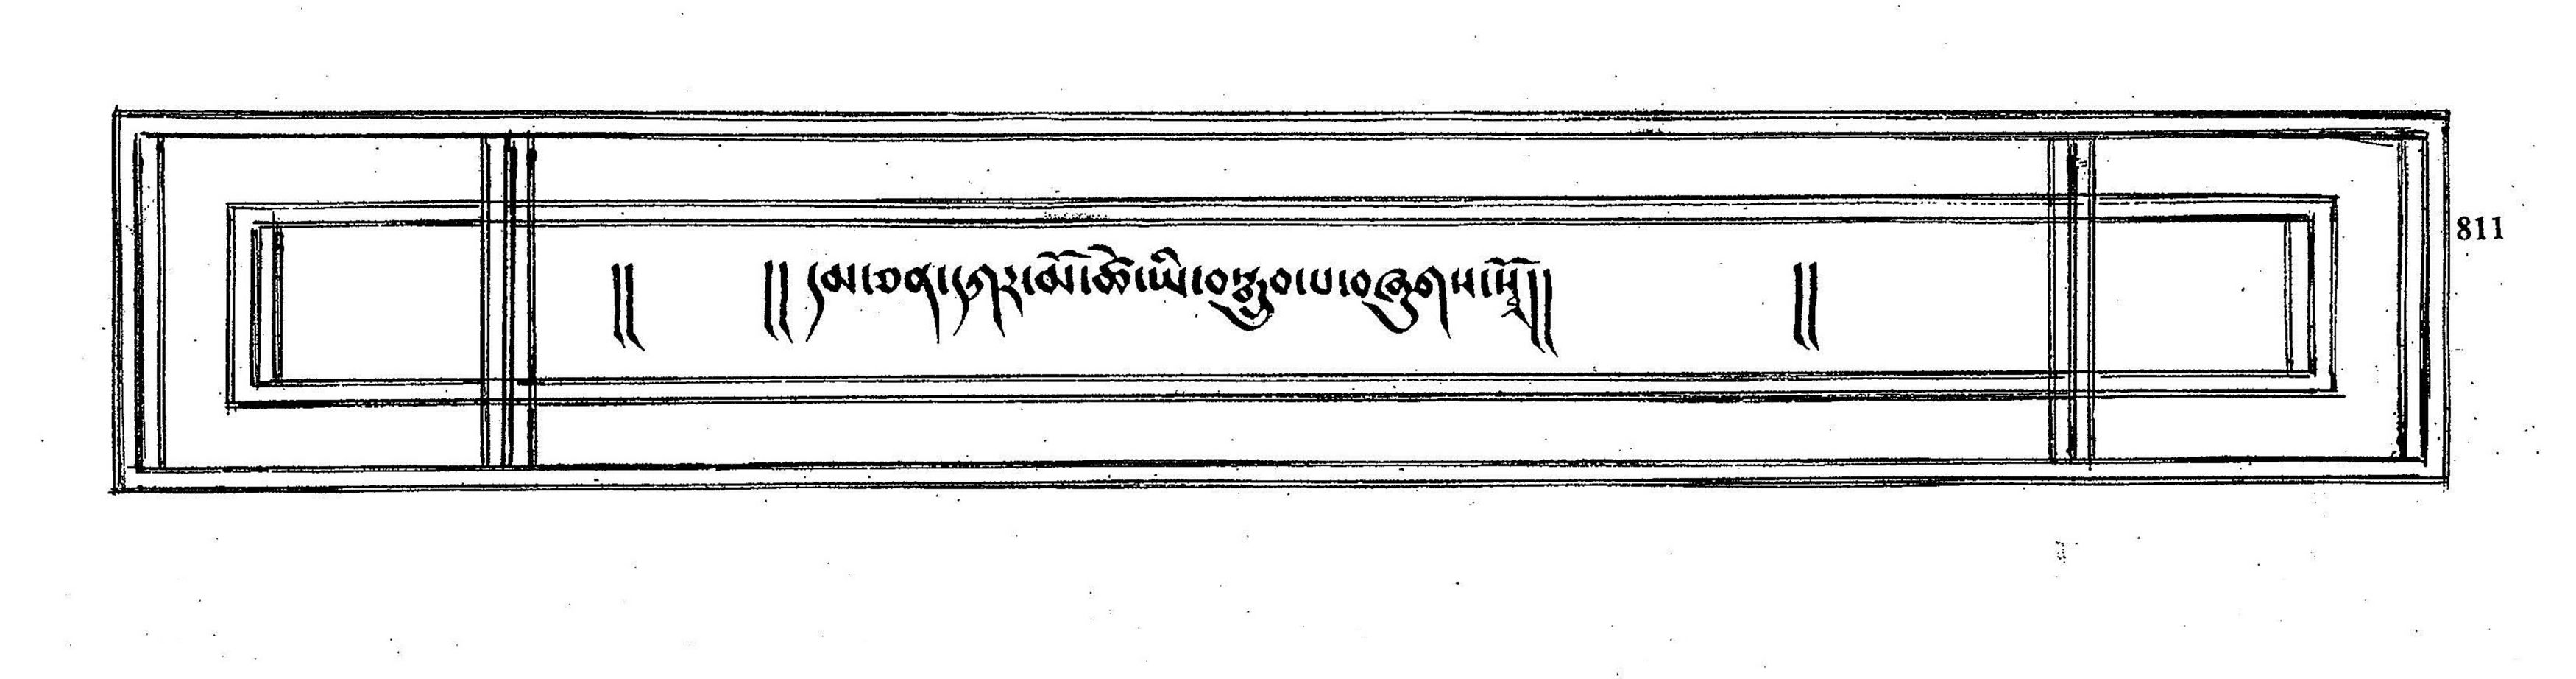།། །།དམ་ཅན་དཀར་མོ་ཚེ་ཡི་བསྒྲུབ་པ་བཞུགས་སྭོ།། །།